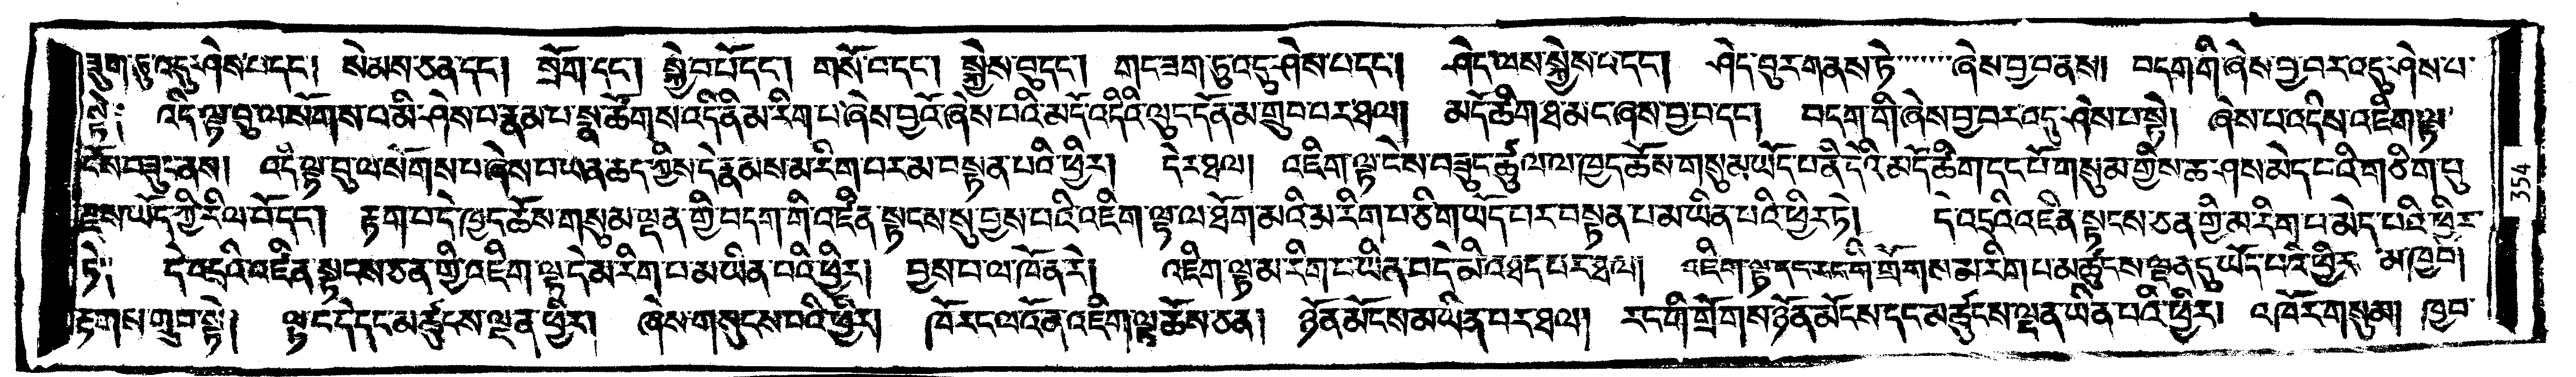ཟུག་ཏུ་འདུ་ཤེས་པ་དང་། སེམས་ཅན་དང་། སྲོག་དང་། སྐྱེ་བ་པོ་དང་། གསོ་བ་དང་། སྐྱེས་བུ་དང་། གང་ཟག་ཏུ་འདུ་ཤེས་པ་དང་། ཤེད་ལས་སྐྱེས་པ་དང་། ཤེད་བུར་གནས་ཏེ་ཞེས་བྱ་བ་ནས། བདག་གི་ཞེས་བྱ་བར་འདུ་ཤེས་པ་
སྟེ༑ འདི་ལྟ་བུ་ལ་སོགས་པ་མི་ཤེས་པ་རྣམ་པ་སྣ་ཚོགས་འདི་ནི་མ་རིག་པ་ཞེས་བྱའོ་ཞེས་པའི་མདོ་འདིའི་ལུང་དོན་མ་གྲུབ་པར་ཐལ། མདོ་ཚིག་ཐ་མང་ཞེས་བྱ་བ་དང་། བདག་གི་ཞེས་བྱ་བར་འདུ་ཤེས་པ་སྟེ། ཞེས་པ་འདིས་འཇིག་ལྟ་
ངོས་བཟུང་ནས། འདི་ལྟ་བུ་ལ་སོགས་པ་ཞེས་པ་ཡན་ཆད་ཀྱིས་དེ་རྣམས་མ་རིག་པར་མ་བསྟན་པའི་ཕྱིར། དེར་ཐལ། འཇིག་ལྟ་ངེས་བཟུང་ཚུལ་ལ་ཁྱད་ཆོས་གསུམ་ཡོད་པ་ནི་དེའི་མདོ་ཚིག་དང་པོ་གསུམ་གྱིས་ཆ་ཤས་མེད་པའི་གཅིག་པུ་
རྫས་ཡོད་ཀྱི་རིལ་བོ་དང་། རྟག་པ་དེ་ཁྱད་ཆོས་གསུམ་ལྡན་གྱི་བདག་གི་འཛིན་སྟངས་སུ་བྱས་པའི་འཇིག་ལྟ་ལ་ཐོག་མའི་མ་རིག་པ་ཅིག་ཡོད་པར་བསྟན་པ་མ་ཡིན་པའི་ཕྱིར་ཏེ། དེ་འདྲའི་འཛིན་སྟངས་ཅན་གྱི་མ་རིག་པ་མེད་པའི་ཕྱིར་
ཏེ༑ དེ་འདྲའི་འཛིན་སྟངས་ཅན་གྱི་འཇིག་ལྟ་དེ་མ་རིག་པ་མ་ཡིན་པའི་ཕྱིར། བྱས་པ་ལ་ཁོ་ན་རེ། འཇིག་ལྟ་མ་རིག་པ་ཡིན་པ་དེ་མི་འཐད་པར་ཐལ། འཇིག་ལྟ་དང་རང་གི་གྲོགས་མ་རིག་པ་མཚུངས་ལྡན་དུ་ཡོད་པའི་ཕྱིར། མ་ཁྱབ།
རྟགས་གྲུབ་སྟེ། ལྟ་བ་དེ་དང་མཚུངས་ལྡན་ཕྱིར། ཞེས་གསུངས་པའི་ཕྱིར། ཁོ་རང་ལ་འོ་ན་འཇིག་ལྟ་ཆོས་ཅན། ཉོན་མོངས་མ་ཡིན་པར་ཐལ། རང་གི་གྲོགས་ཉོན་མོངས་དང་མཚུངས་ལྡན་ཡིན་པའི་ཕྱིར། འཁོར་གསུམ། ཁྱབ་